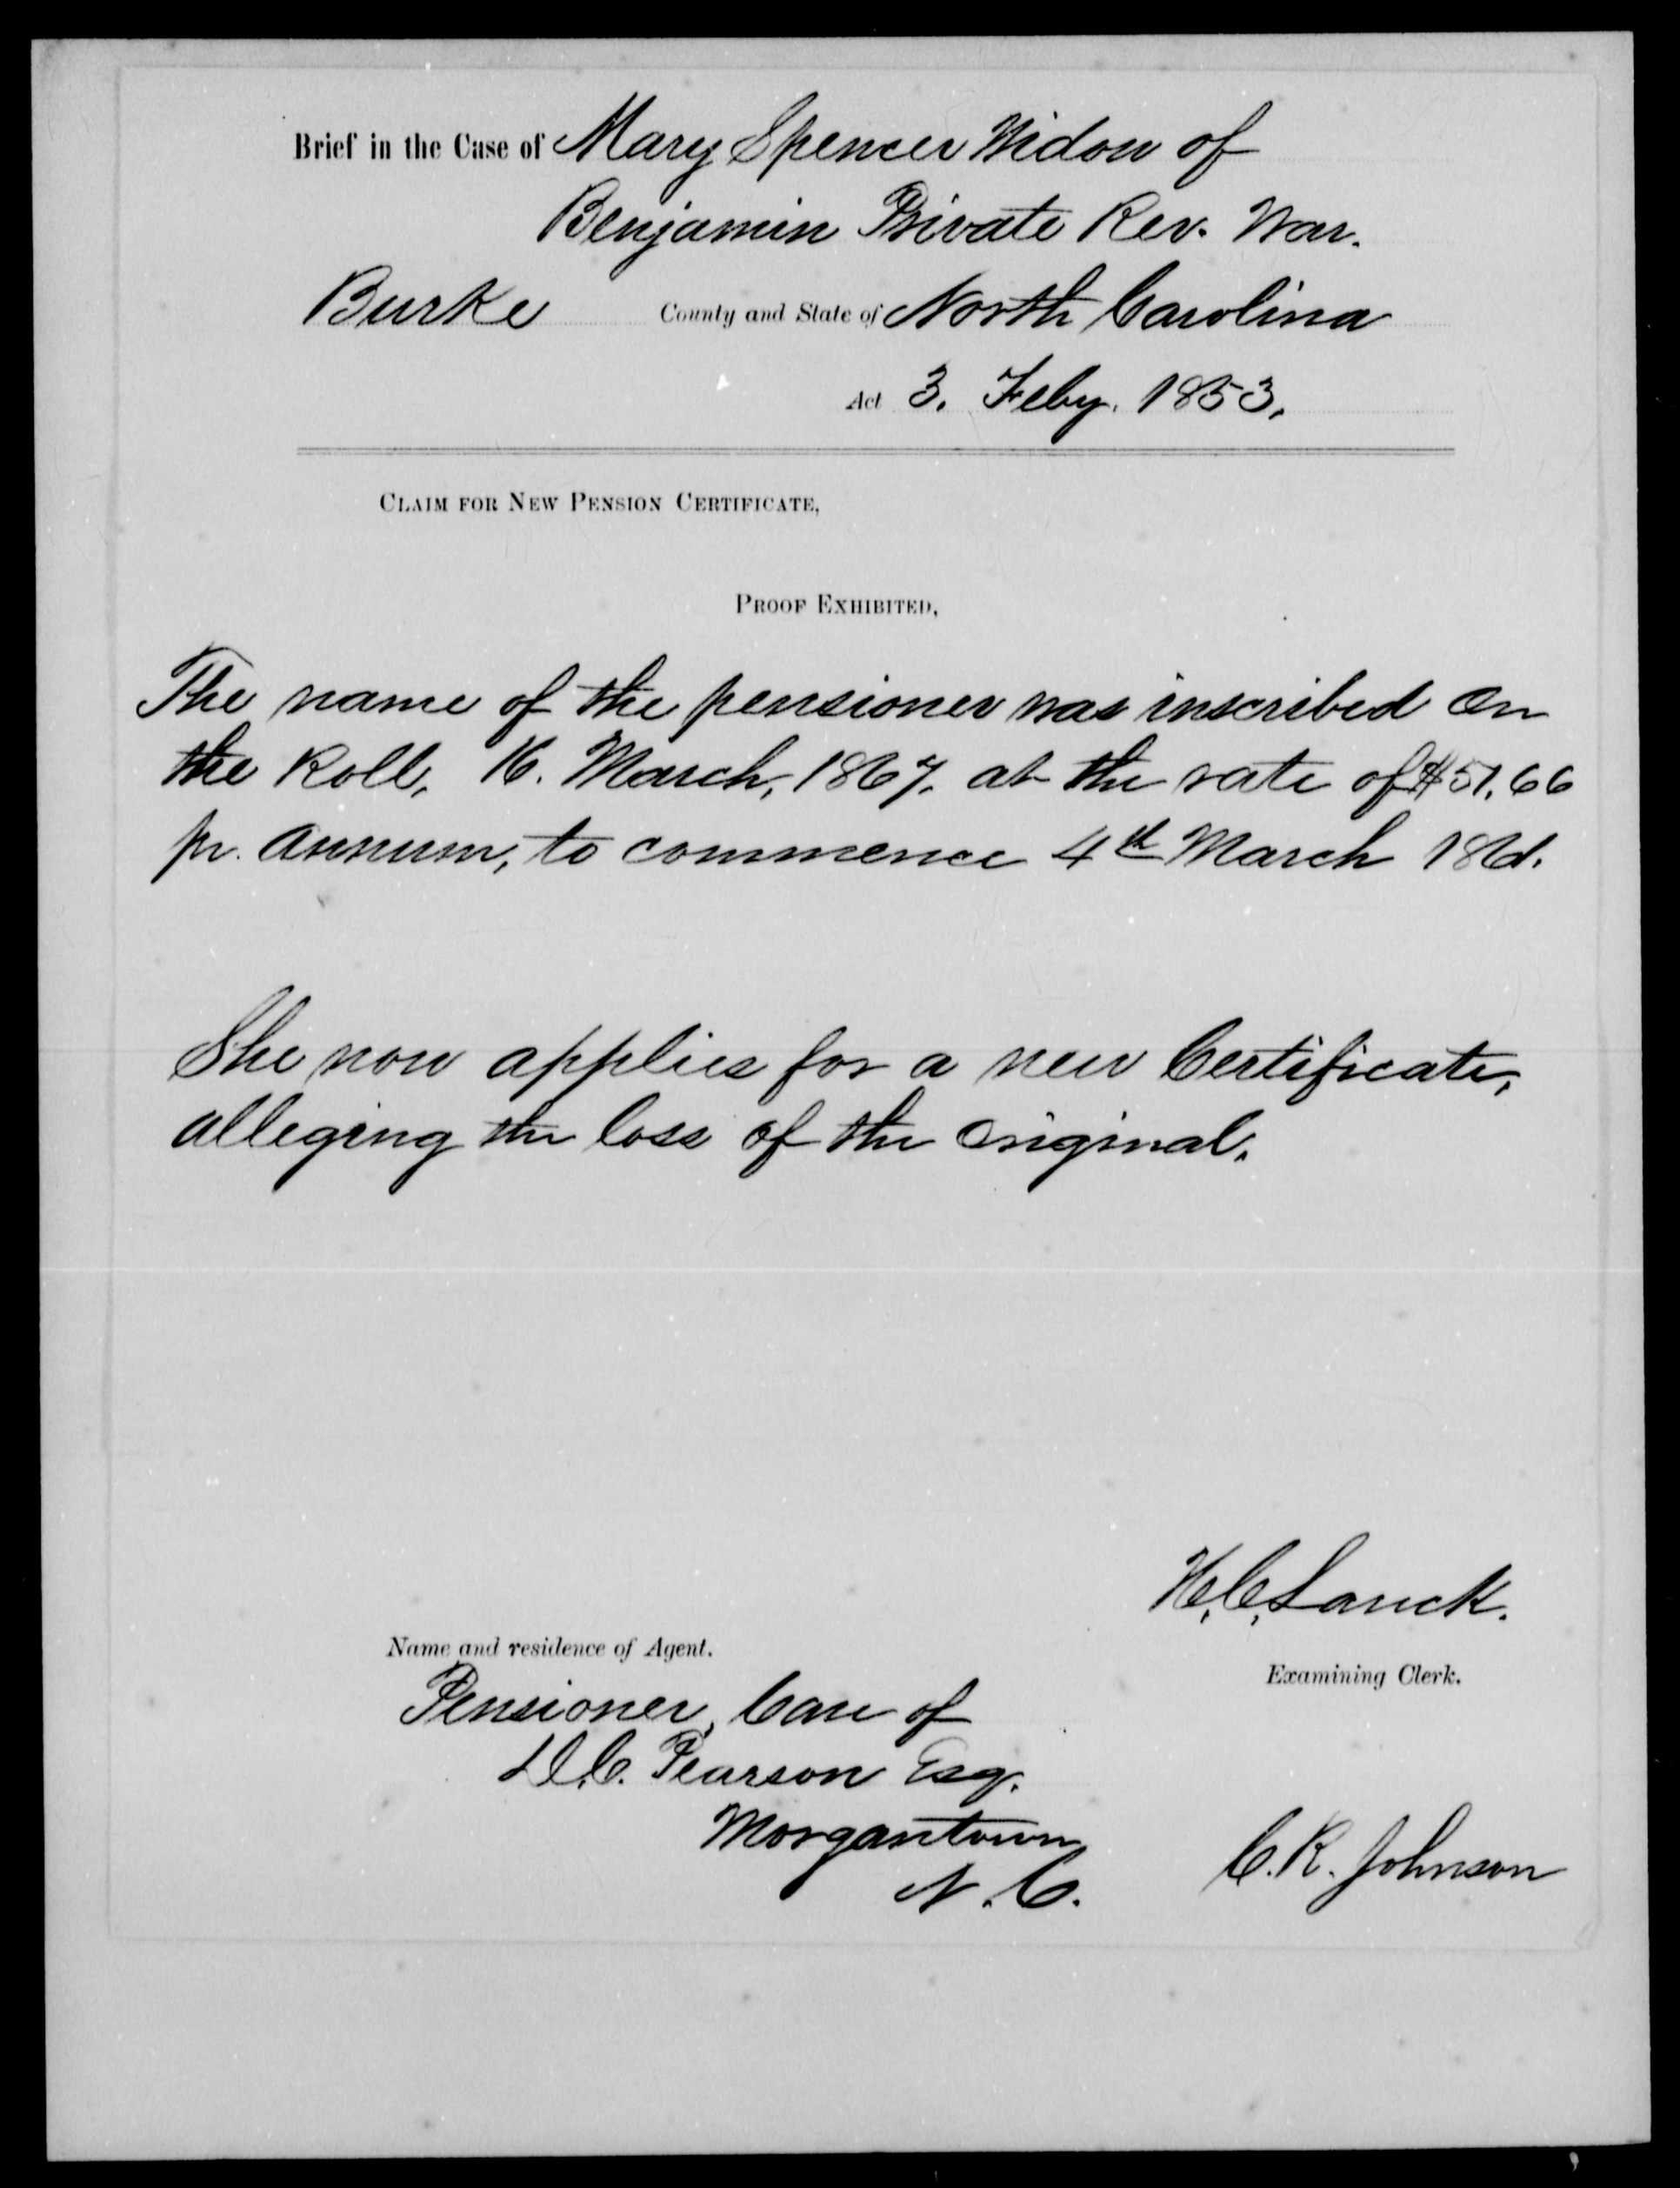Brief in the case of Mary Spencer Widow of
Benjamin Private Rev. War
Burke County and State of North Carolina
Act 3. Feby. 1853.

CLAIM FOR NEW PENSION CERTIFICATE.
PROOF EXHIBITED,
The name of the pensioner was inscribed on
the Roll, H. March, 1867, at the rate of $51.66
pr annum, to commence 4th March 1861.
She now applies for a new Certificate,
alleging the loss of the original
H. C. Lauck
Examining Clerk.
Name and residence of Agent.
Pensioner Care of
D.C. Pearson Esq.
Morgantown
N.C.

C. R. Johnson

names: C R Johnson; H C Lauck; D C Pearson; Mary Spencer; Benjamin Spencer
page: 37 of 63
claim: widow's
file: W. 6158, for Benjamin Spencer, North Carolina